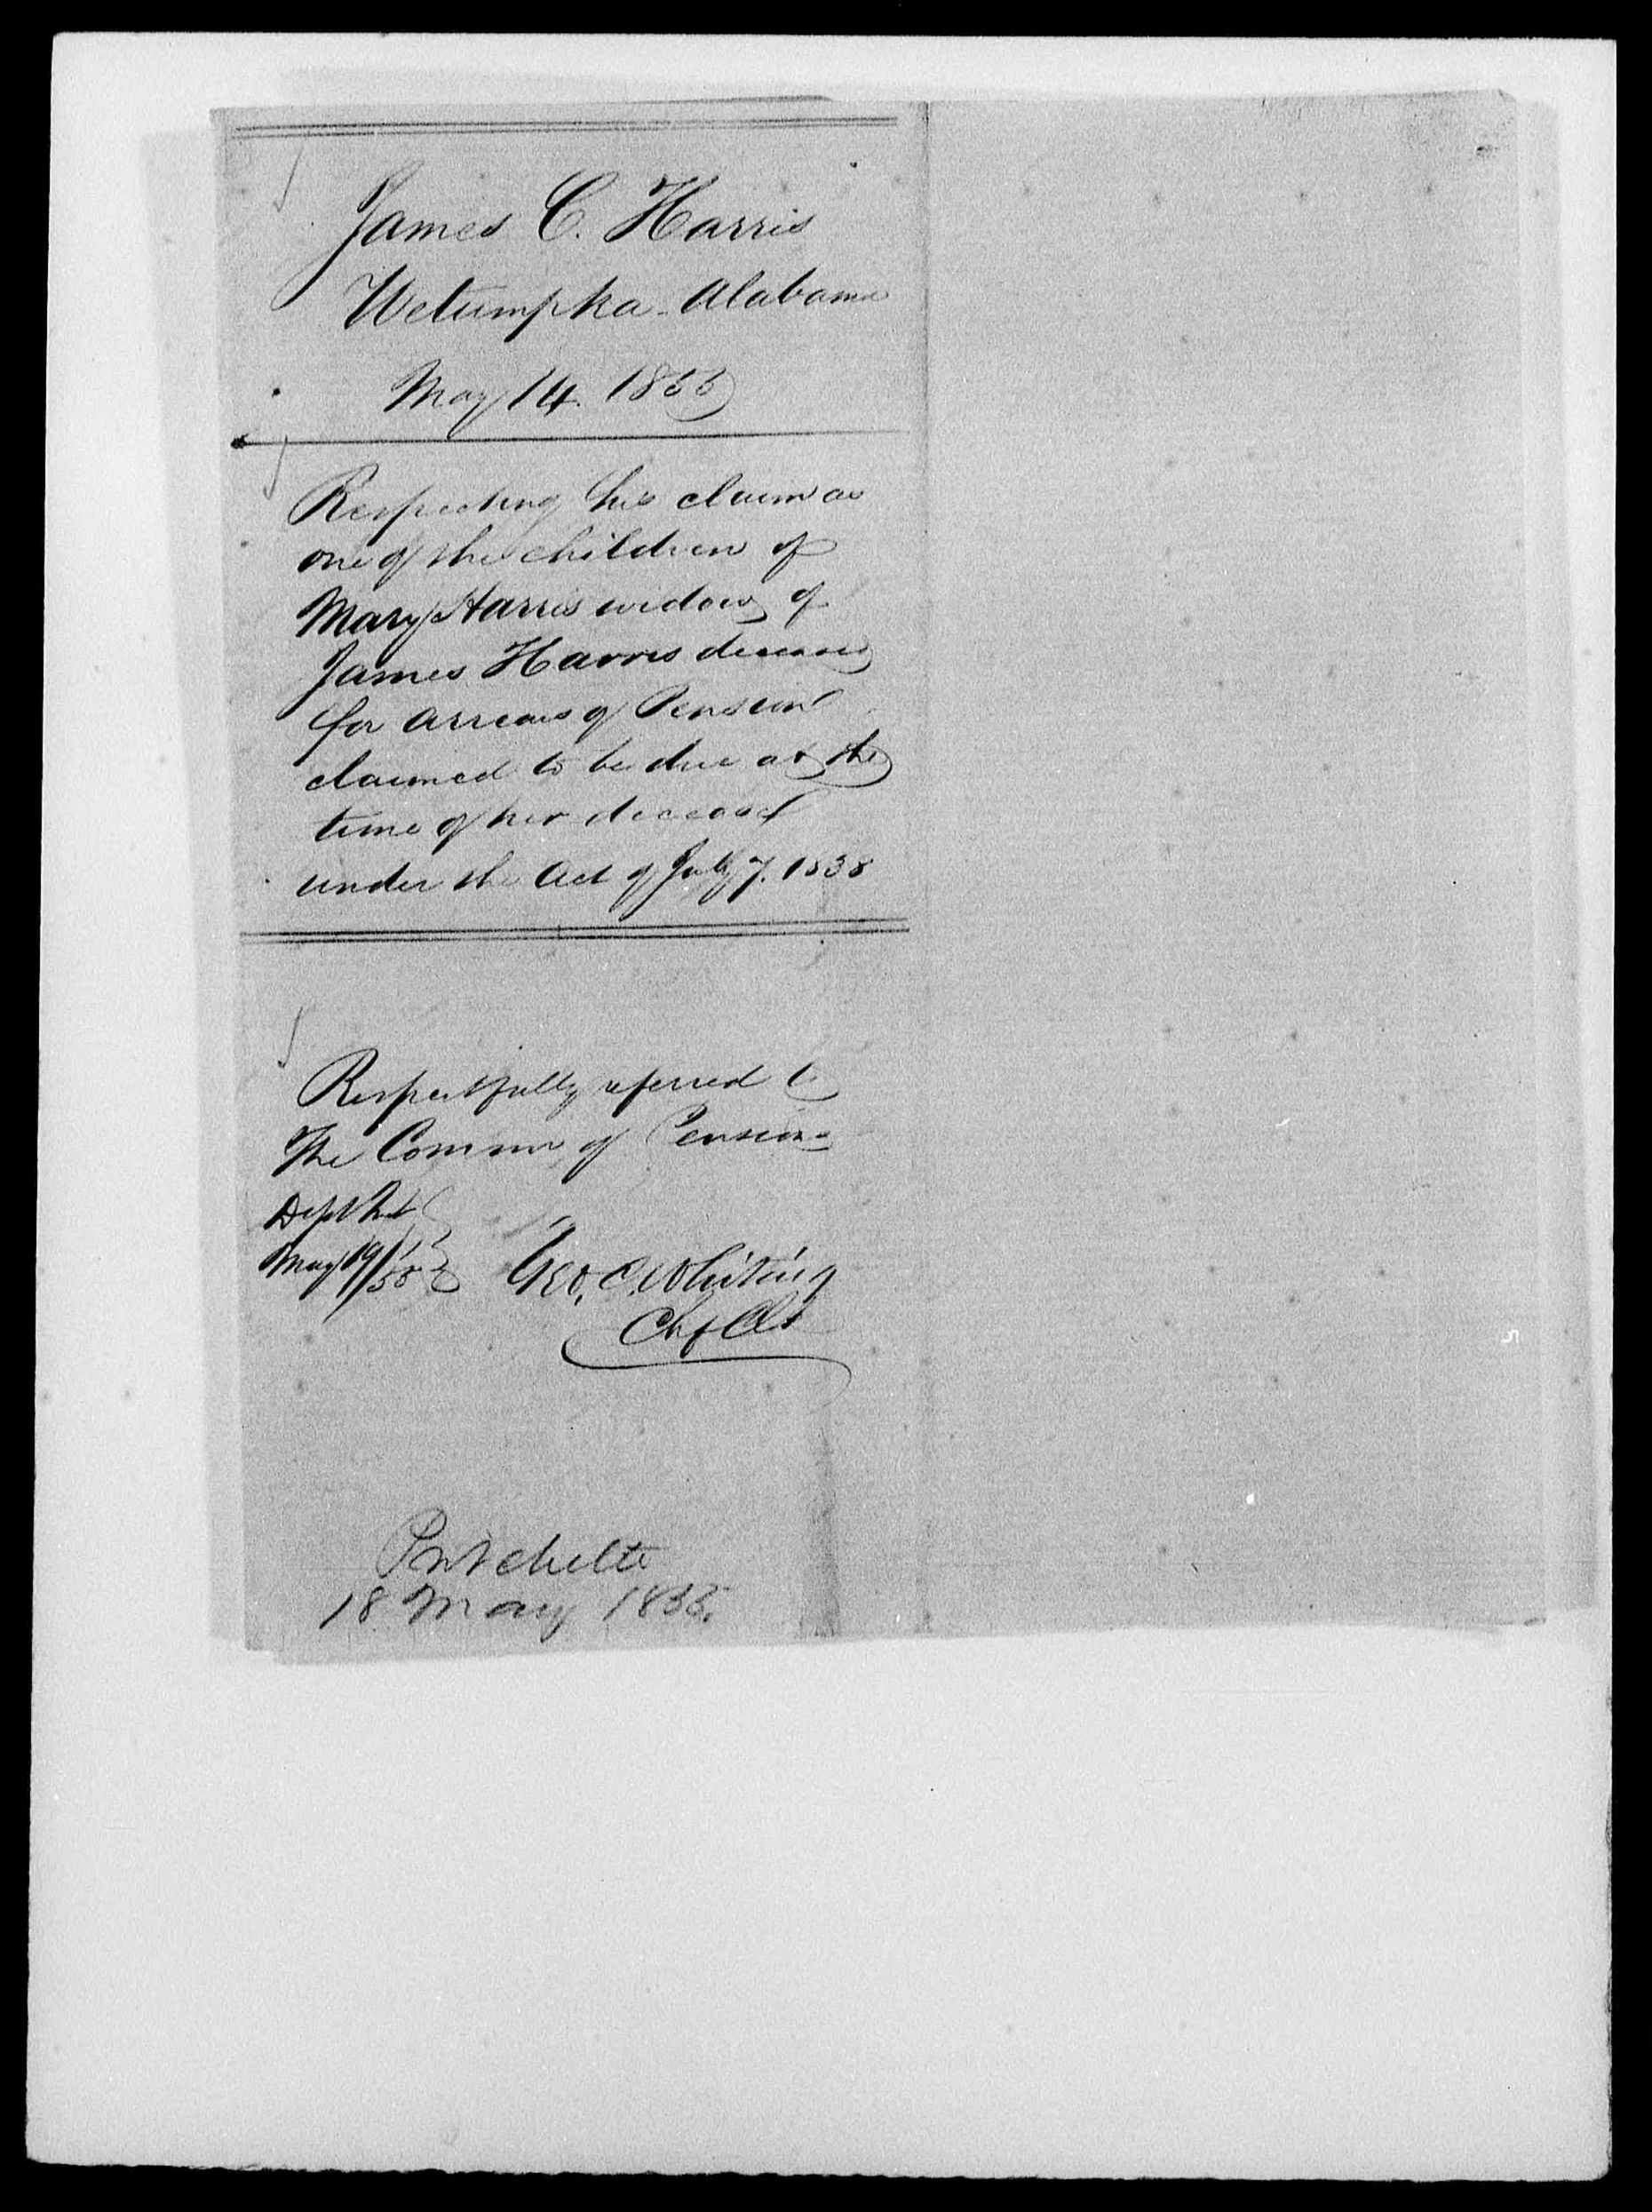James C. Harris
Wetumpka, Alabama
  May 14 1855
_____

Respecting his claim as one of the children of Mary Harris widow of James Harris deceased for arrears of Pension claimed to be due at the time of her decease under the Act of July 7, 1838
___
___

Respectfully referred to 
The Comms of Pensions
Dept Intr    }
May 19/'58 }              George Whiting
                                     Chf Clk

[?]
18 May 1855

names: James Harris, Geo C Whiting, Mary Harris, James C Harris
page: 31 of 160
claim: rejected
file: R. 4666, James Harris, Va.